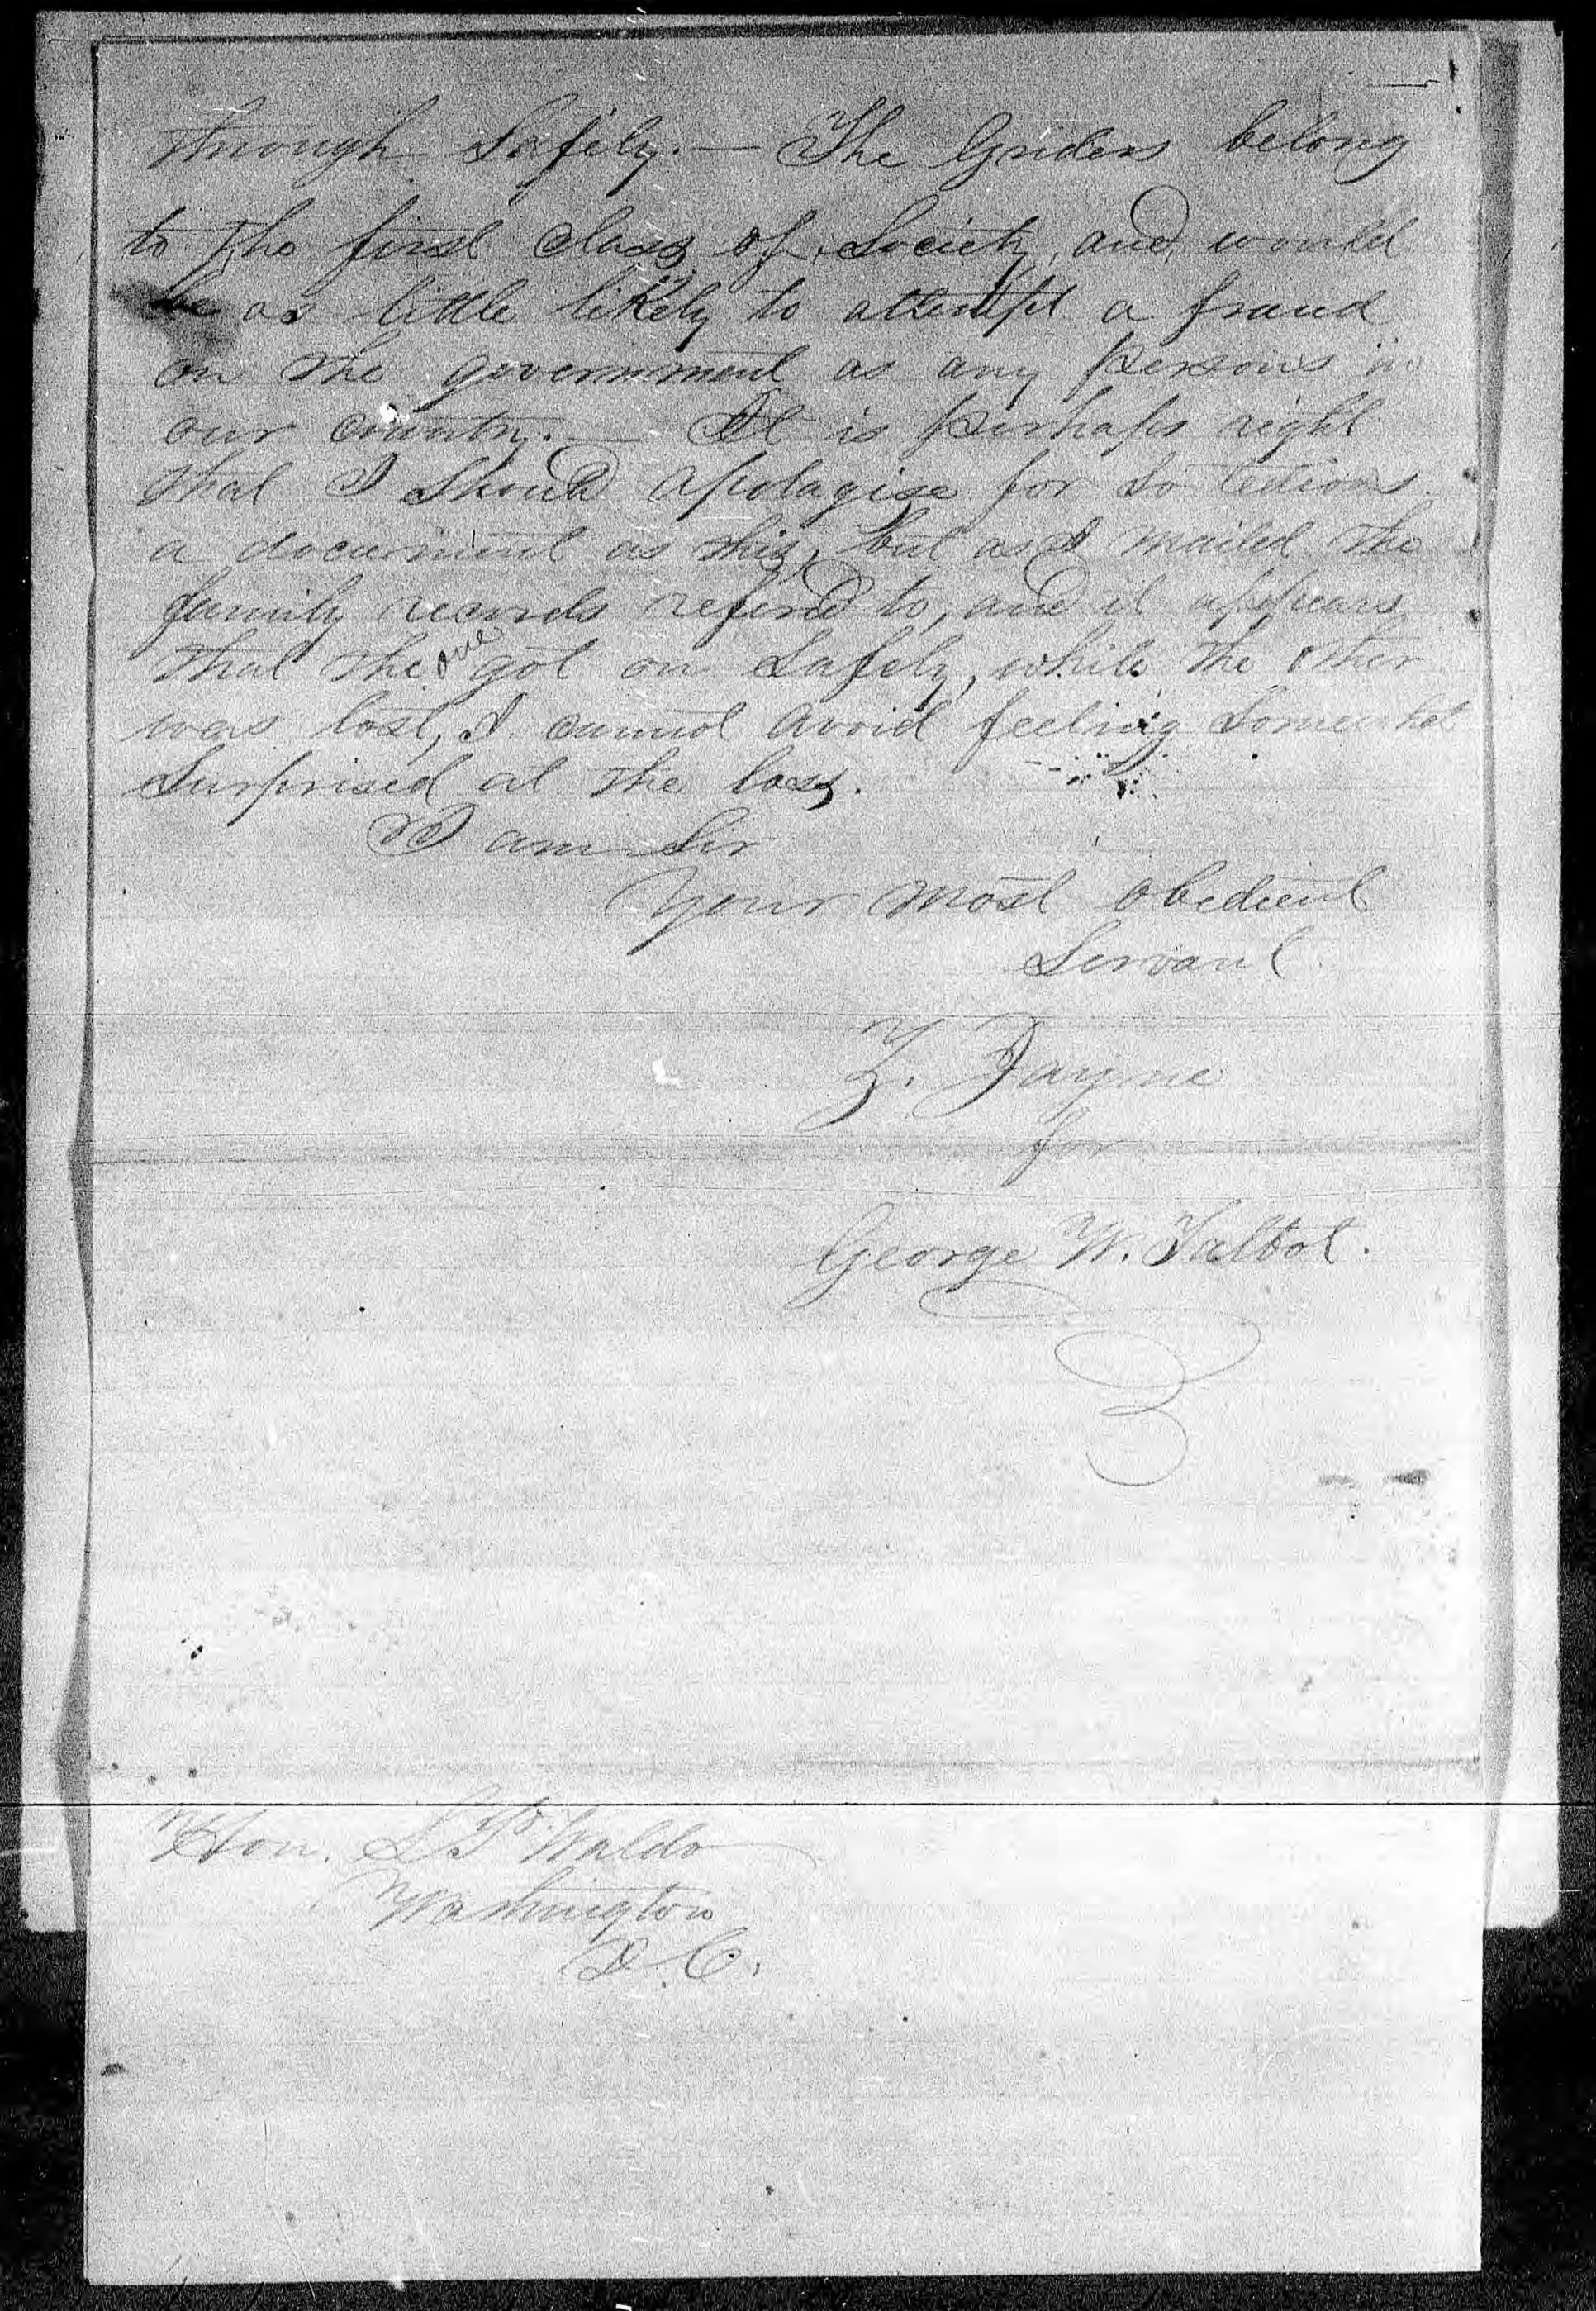through safely- The Griders belong to the first class of Society, and would be as little likely to attempt a fraud on the government as any persons in our country. IT is perhaps right that I should apologize for so tedious a document as this, but as I mailed the family records refered to, and it appears that the one got on safely, which the other was lost, I cannot avoid feeling somewhat surprised at the loss.  I am Sir
Your most obedient Servant
 [signed] Z Jayne for George W. Talbot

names: Griders, Z Jayne, George W Talbot, L P Waldo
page: 68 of 91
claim: widow's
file: W 358, John Grider, N.C.